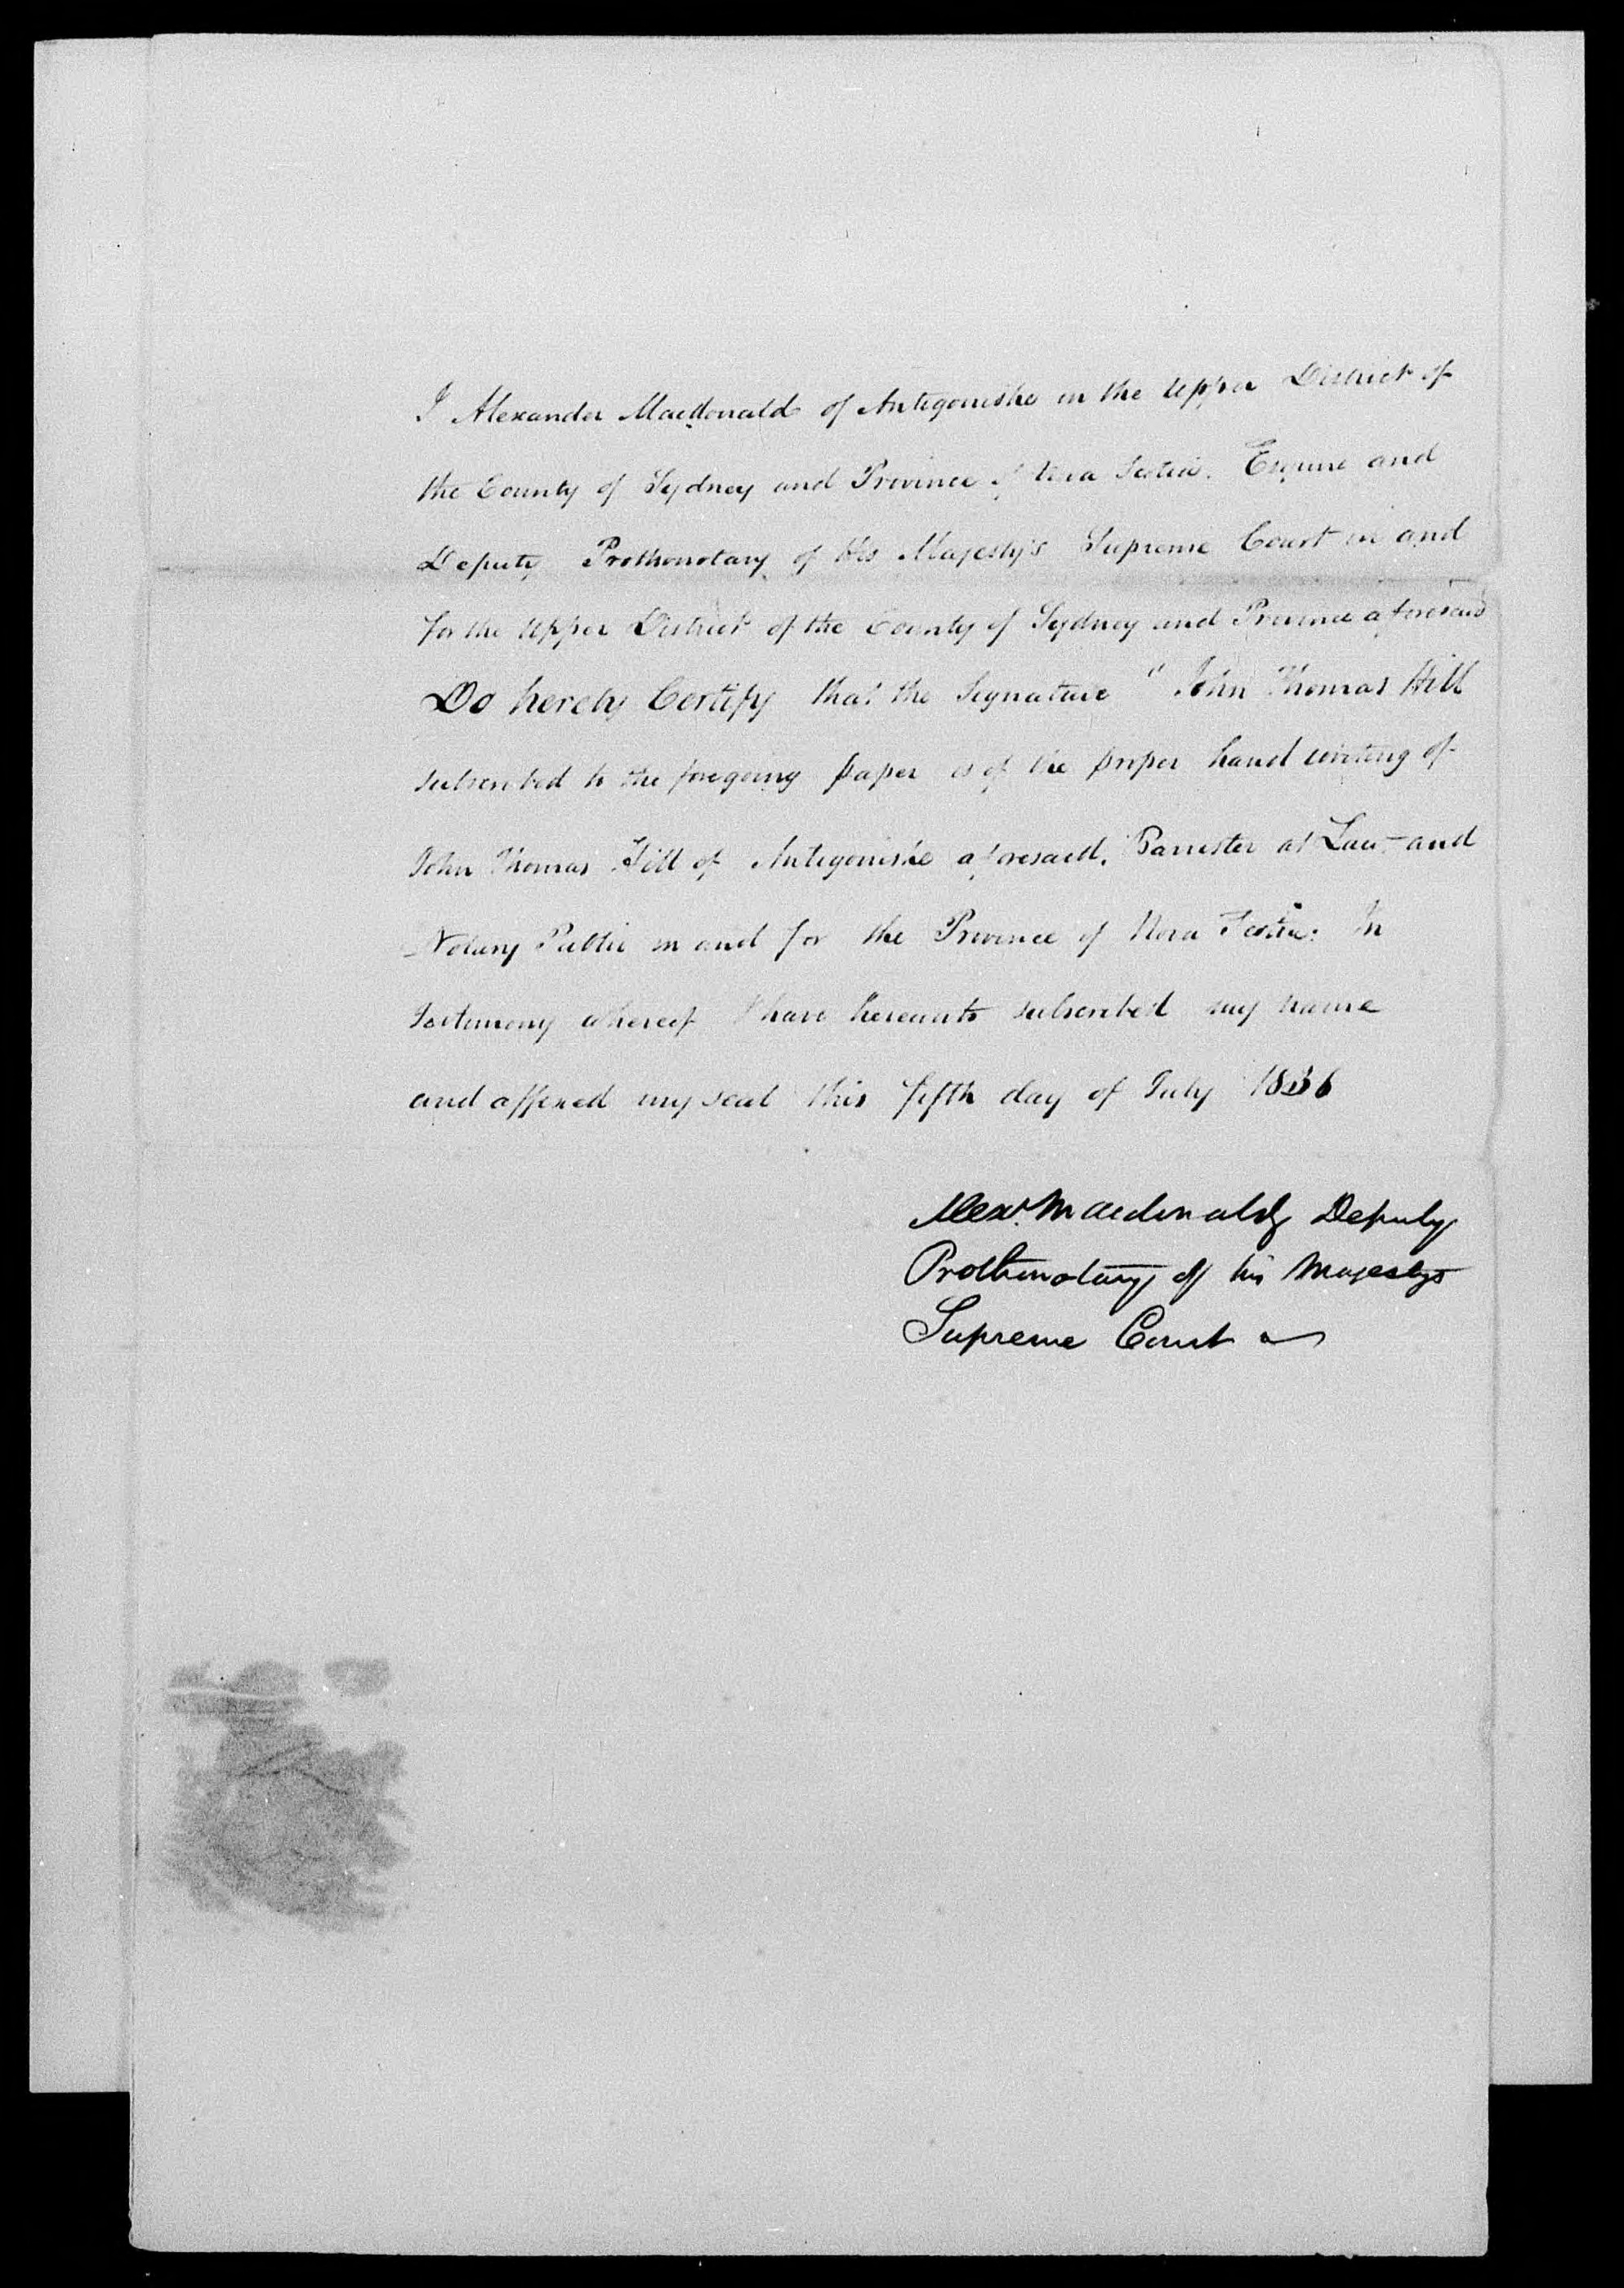I Alexander Macdonald of Antigonishe [Antigonish] in the Upper District of
the County of Sydney and Province of Nova Scotia. Esquire and Deputy Prothonotary of His Majesty's Supreme Court in and
for the Upper District of the County of Sydney and Province aforesaid
Do hereby Certify that the Signature "John Thomas Hill
subscribed to the foregoing paper is of the proper hand writing of
John Thomas Hill of Antigonishe [Antigonish] aforesaid, Barrister at Law - and
Notary Public in and for the Province of Nova Scotia In 
Testimony whereof I have hereunto subscribed my name
and affixed my seal this fifth day of July 1836

Alex. Macdonald Deputy
Prothonotary of his majesty's
Supreme Court ~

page: 5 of 11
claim: rejected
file: R 6837, for Samuel Mains, Maryland